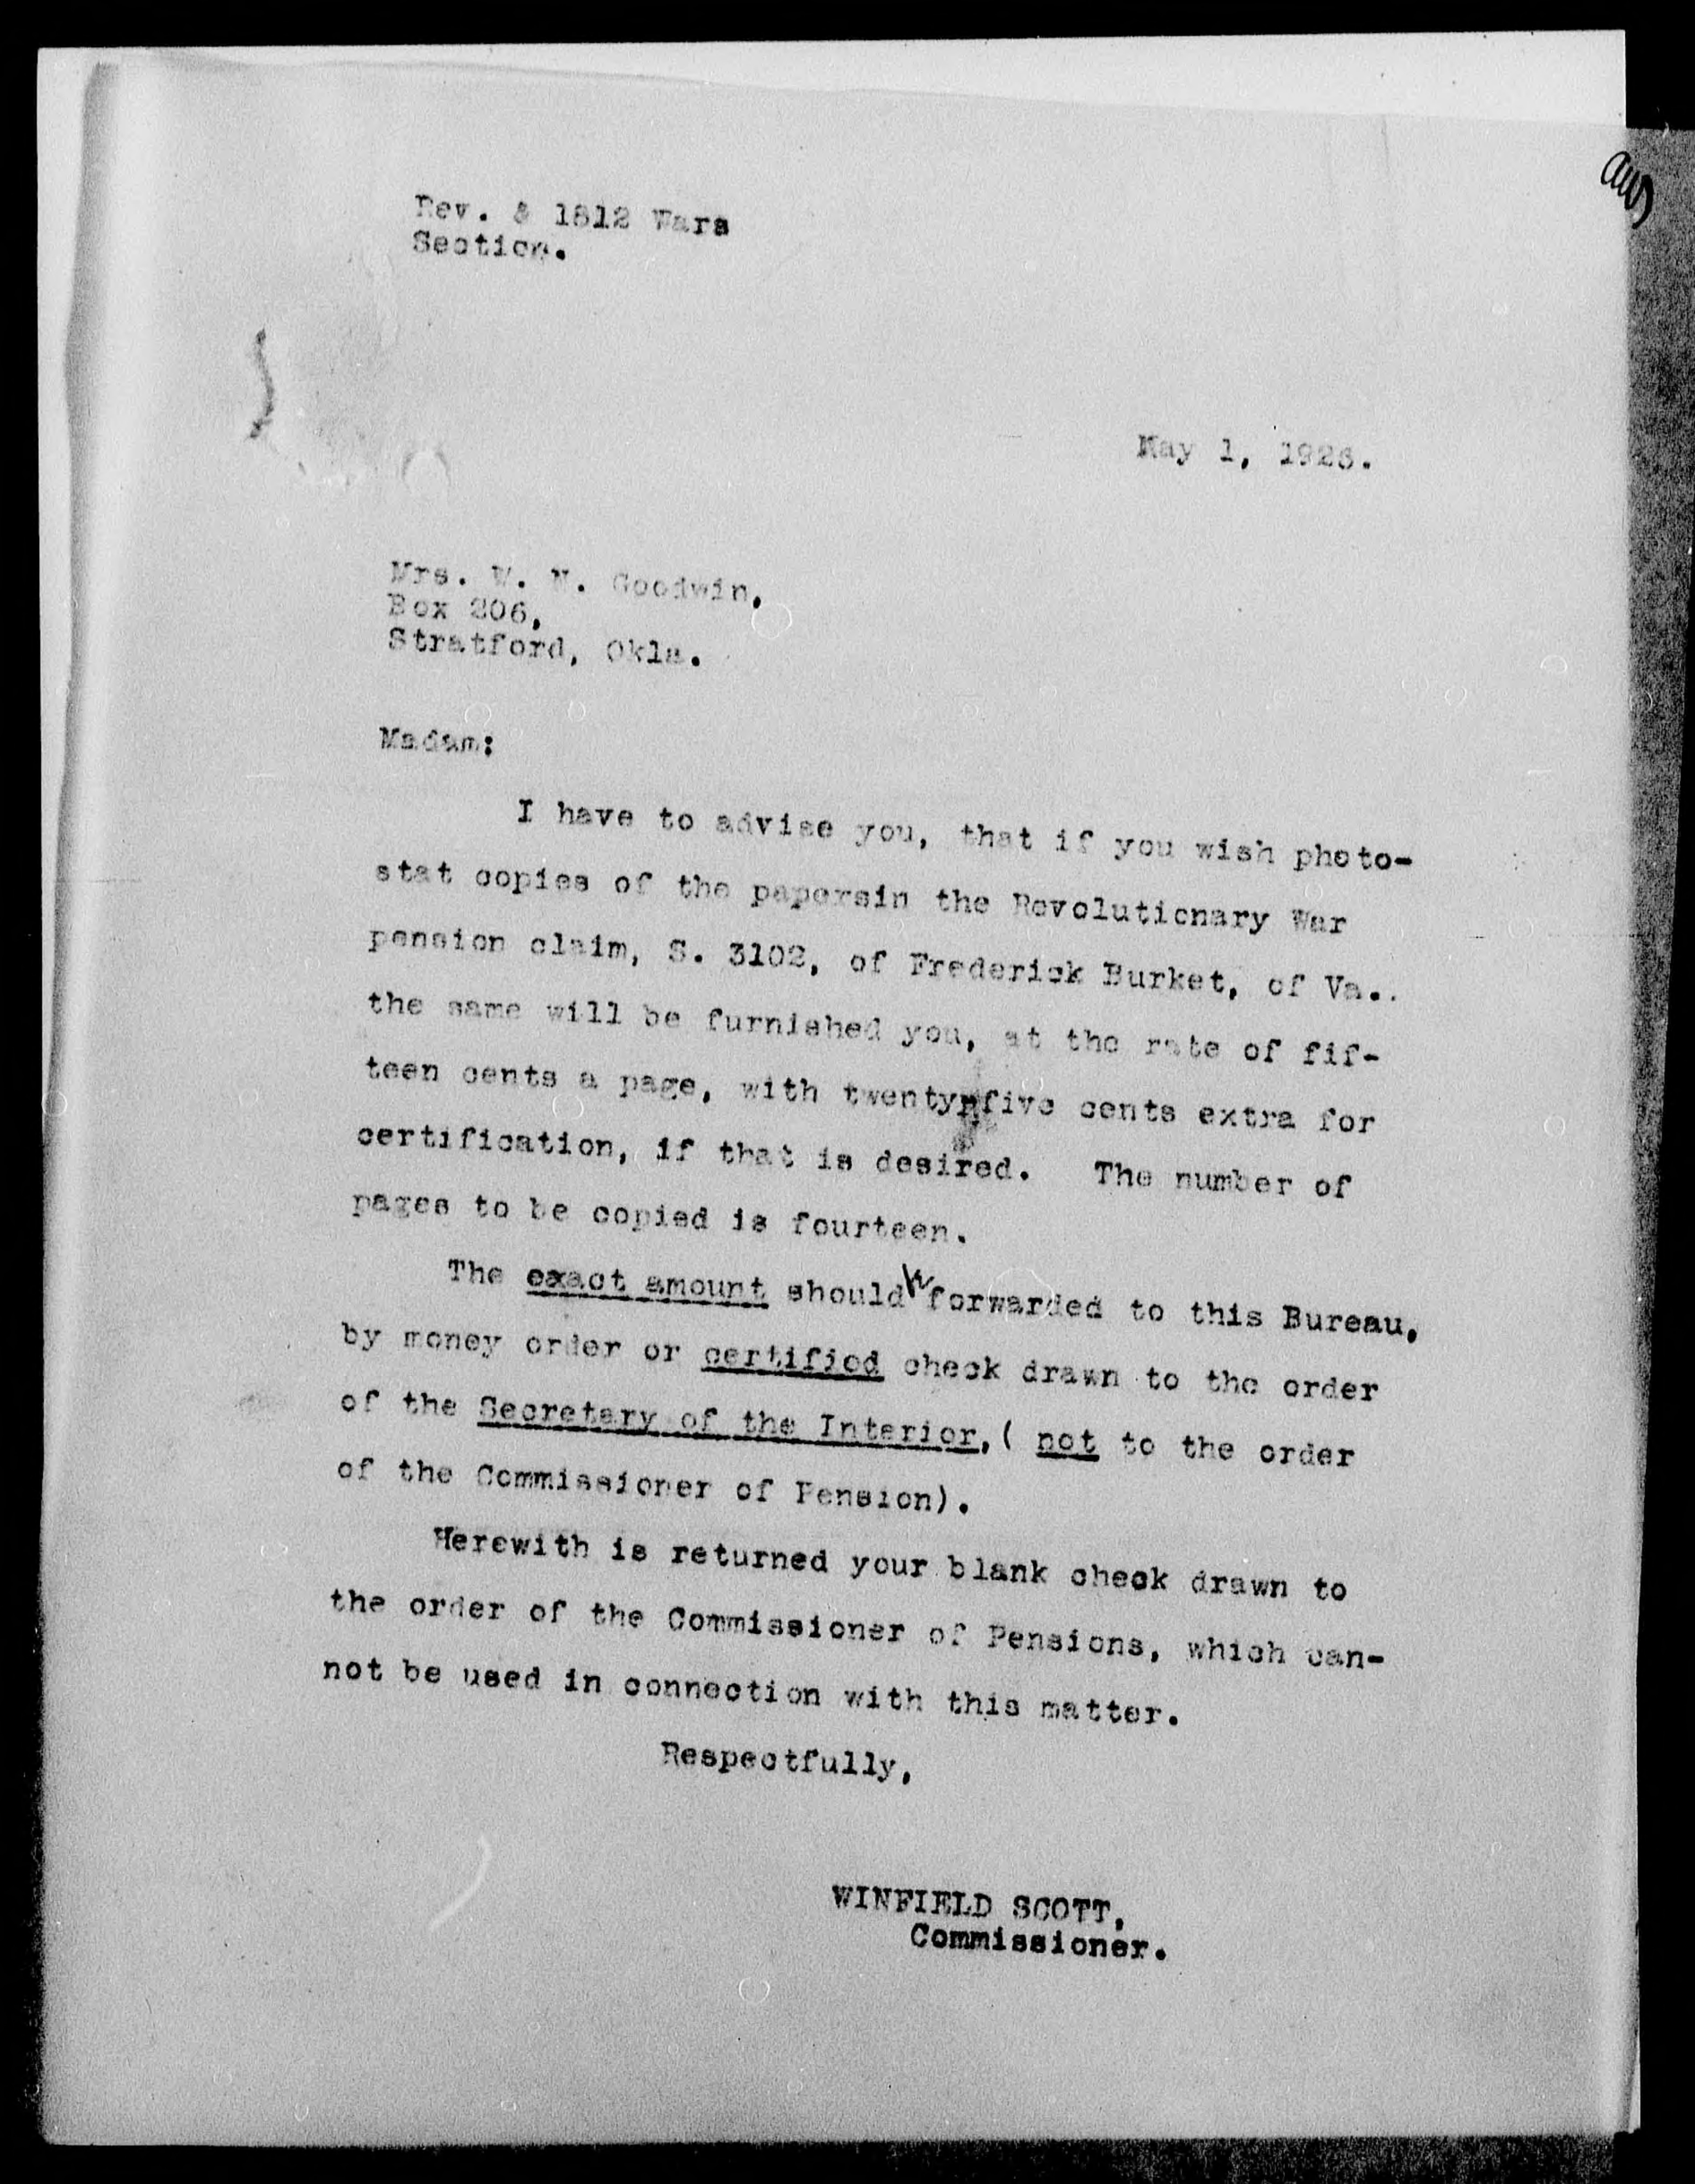AWS
Rev. & 1812 Wars
Section.

May 1, 1926

Mrs. W. N. Goodwin
Box 206
Stratford, Okla.

Madam: 
I have to advise you, that if you wish photostat copies of the papersin (sic) the Revolutionary War pension claim, S. 3102, of Frederick Burket, of Va.. the name will be furnished you, at the rate of fifteen cents a page, with twenty-five cents extra for certification, if that is desired.  The number of pages to be copied is fourteen.

The exact amount should be forwarded to this Bureau, by money order or certified check drawn to the order of the Secretary of the Interior, (not to the order of the Commissioner of Pension).

Herewith is returned your blank check drawn to the order of the Commissioner of Pensions, which cannot be used in connection with this matter.

Respectfully,
WINFIELD SCOTT,
Commissioner.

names: W N Goodwin, Frederick Burket, Winfield Scott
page: 44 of 47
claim: survivor's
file: S. 3102, Frederick Burket, Va.